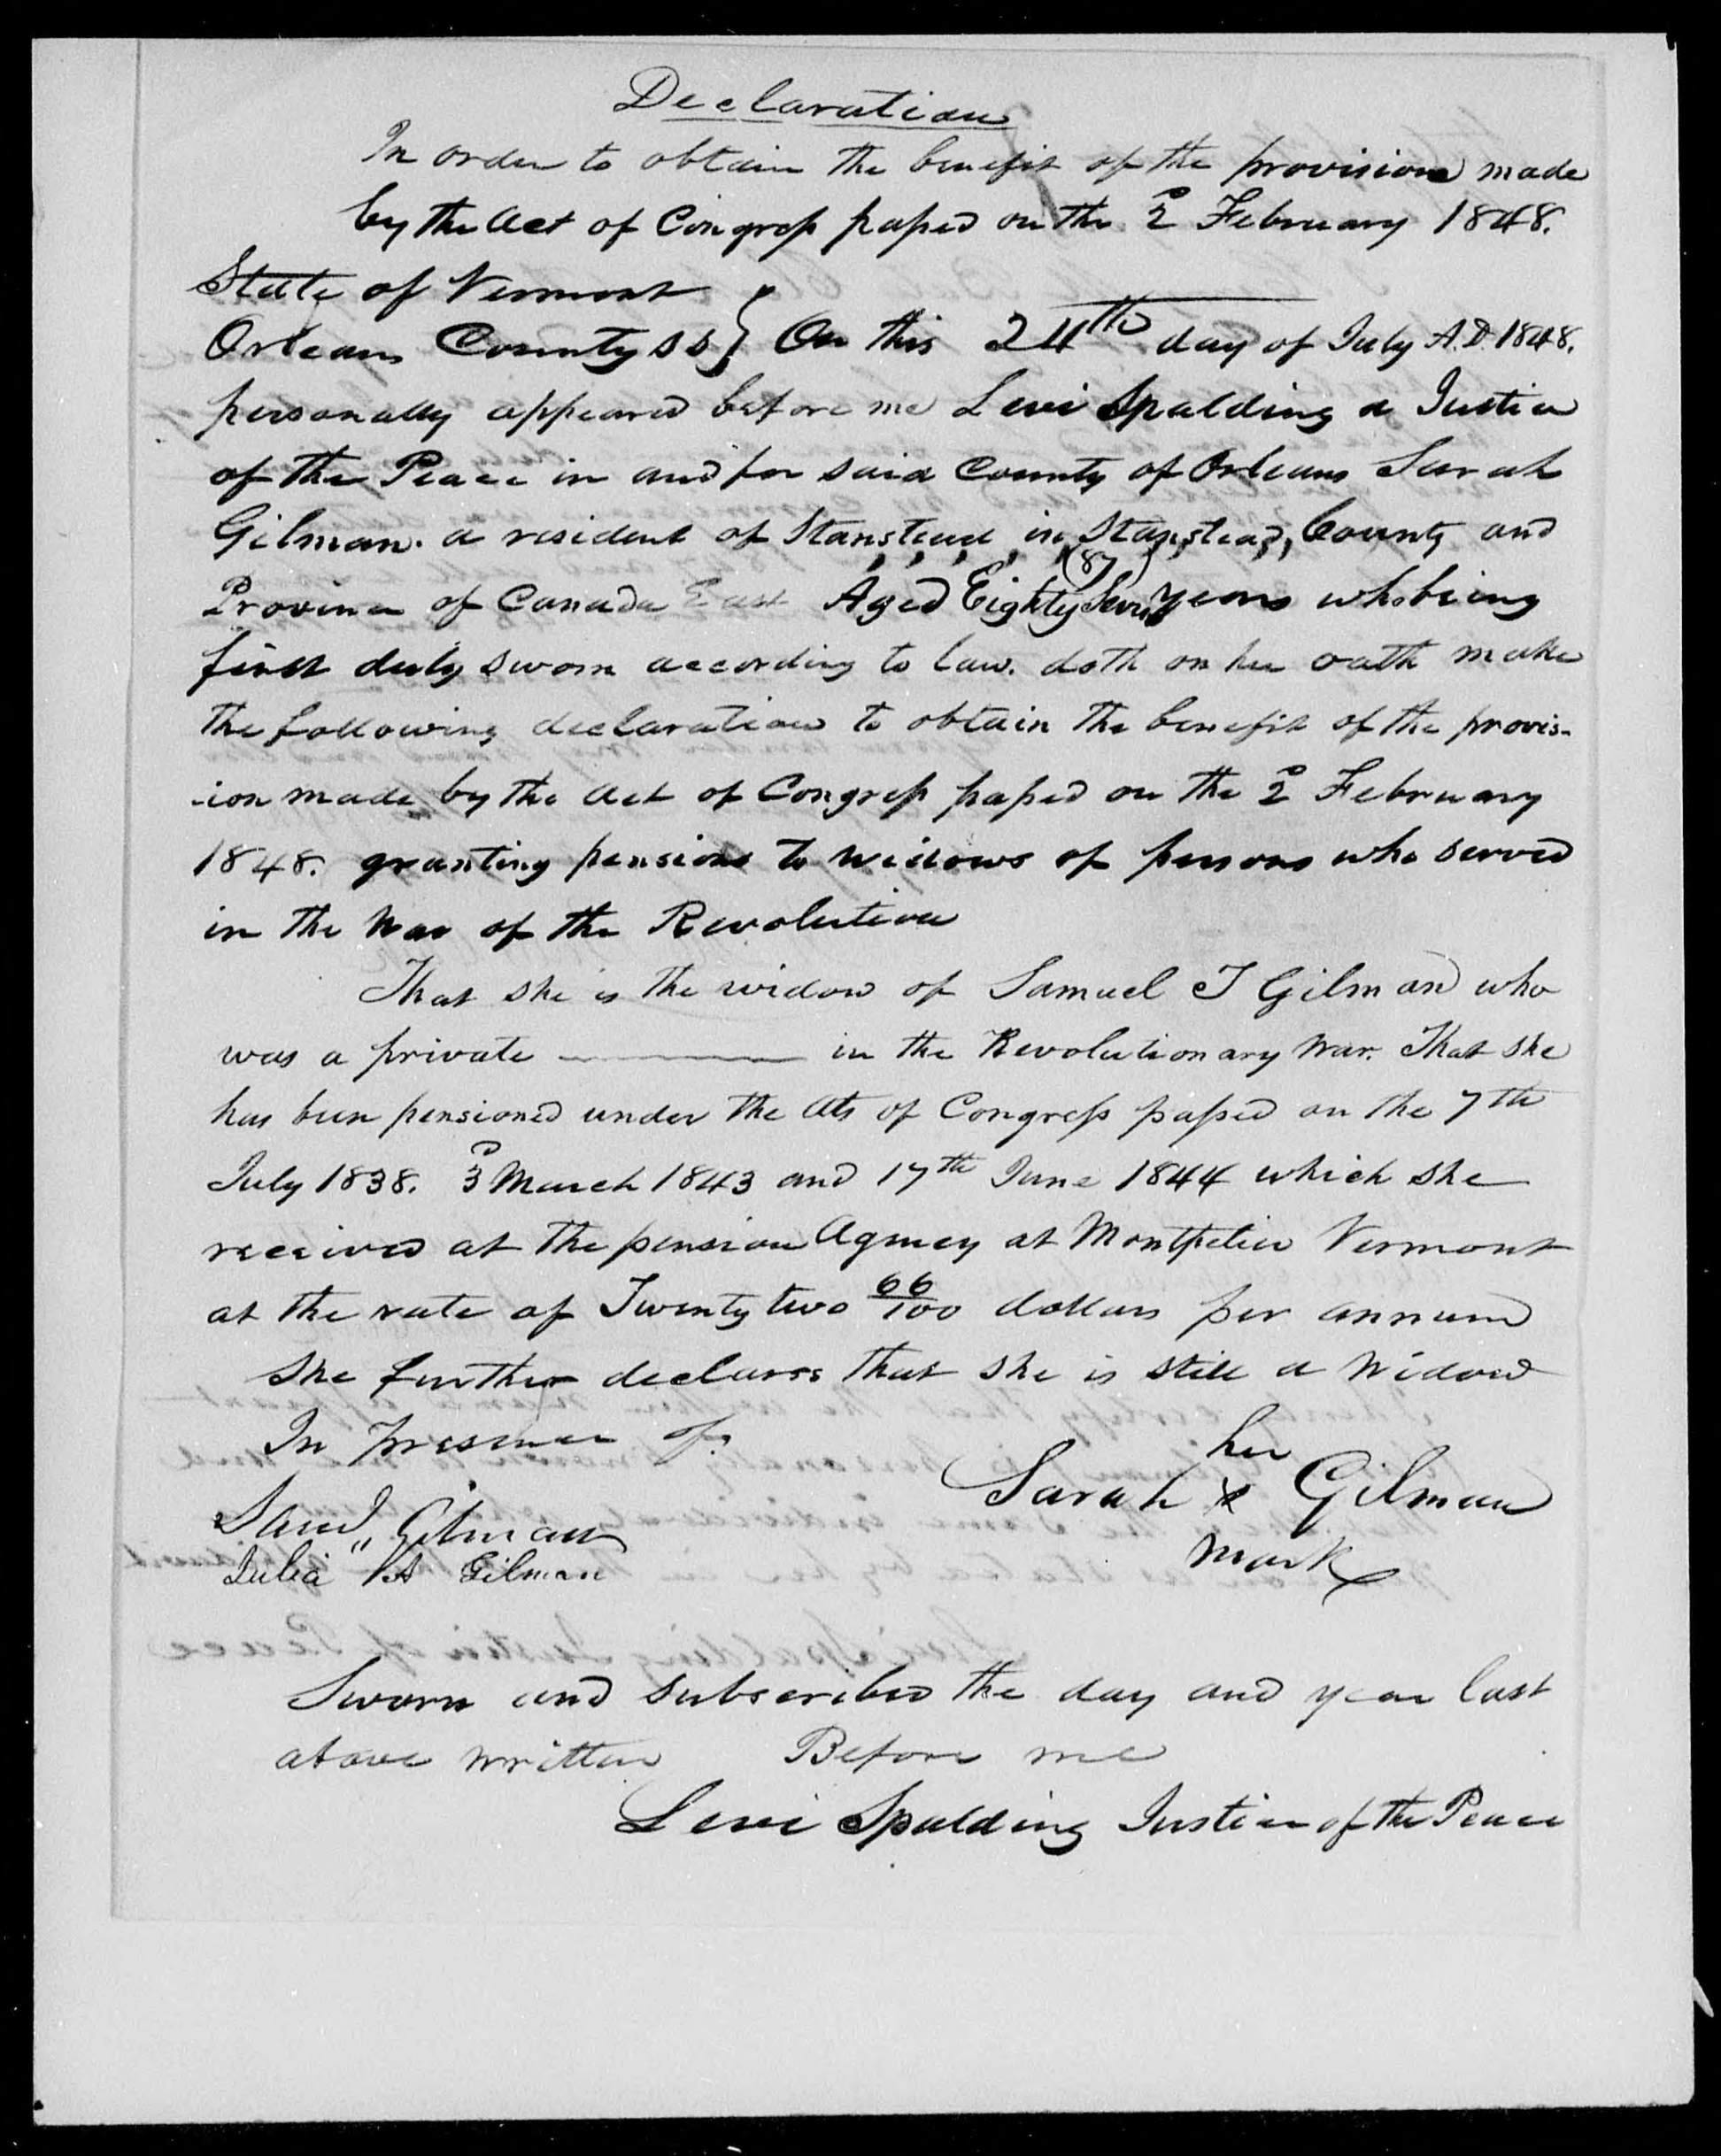Declaration
In order to obtain the benefit of the provisions made by the Act of Congress passed on the 2d February 1848.

State of Vermont
Orleans County ss }
On this 24th day of July A.D. 1848, personally appeared before me Levi Spalding a Justice of the Peace in and for said County of Orleans Sarah Gilman, a resident of Stanstead in Stanstead County and Province of Canada East Aged Eightyseven (87) years who being first duly sworn according to law, doth on her oath make the following declaration to obtain the benefit of the provision made by the Act of Congress passed on the 2d February 1848 granting pensions to widows of persons who served in the Ward of the Revolution
That she is the widow of Samuel T Gilman who was a private ___ in the Revolutionary War. That she has been pensioned under the Act of Congress passed on the 7th July 1838 3d March 1843 and 17th June 1844 which she received at the pension Agency at Montpelier Vermont at the rate of Twentytwo 66/100 dollars per annum
She further declares that she is still a widow 
Sarah X her mark Gilman
In presence of
Saml Gilman
Julia A Gilman

Sworn and subscribed the day and year last above written
Before me
Levi Spalding Justice of the Peace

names: Sarah Gilman, Levi Spalding, Samuel T Gilman, Saml Gilman, Julia A Gilman, Sarah Gilman, Levi Spalding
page: 49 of 61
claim: widow's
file: W. 19500, Samuel Thing Gilman, Continental N.H.